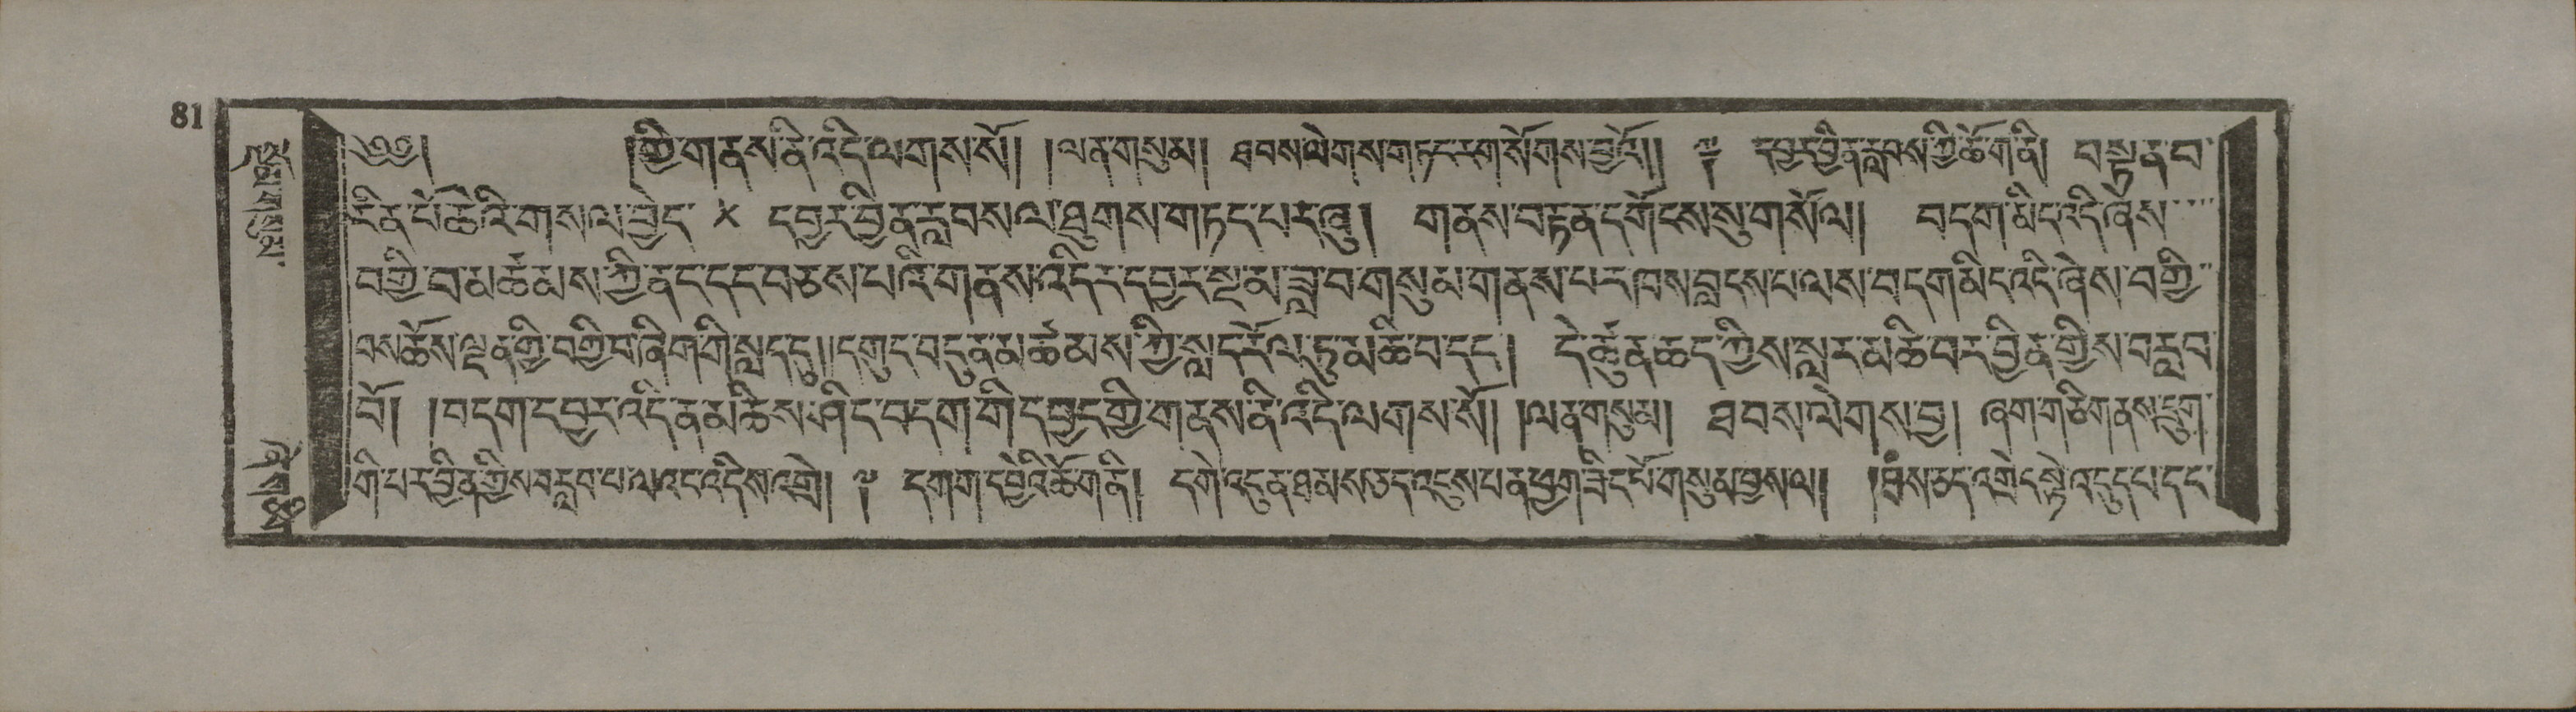༄༅། །གྱི་གནས་ནི་འདི་ལགས་སོ། །ལན་གསུམ། ཐབས་ལེགས་གཏང་རག་སོགས་བྱའོ། ། ༈ དབྱར་བྱིན་རླབས་ཀྱི་ཆོ་ག་ནི།  བསྟན་པ་
རིན་པོ་ཆེའི་གསལ་བྱེད་྾་དབྱར་བྱིན་རླབས་ལ་ཐུགས་གཏད་པར་ཞུ། གནས་བརྟན་དགོངས་སུ་གསོལ། བདག་མིང་འདི་ཞེས་
བགྱི་བ་མཚམས་ཀྱི་ནང་དང་བཅས་པའི་གནས་འདིར་དབྱར་སྔ་མ་ཟླ་བ་གསུམ་གནས་པར་ཁས་བླངས་པ་ལས་བདག་མིང་འདི་ཞེས་བགྱི་
བས་ཆོས་ལྡན་གྱི་བགྱི་བ་ཞིག་གི་སླད་དུ། །དགུང་བདུན་མཚམས་ཀྱི་སླད་རོལ་ཏུ་མཆི་བ་དང་། དེ་ཚུན་ཆད་ཀྱིས་སླར་མཆི་བར་བྱིན་གྱིས་བརླབ་
བོ། །བདག་དབྱར་འདི་ན་མཆིས་ཤིང་བདག་གི་དབྱང་གྱི་གནས་ནི་འདི་ལགས་སོ། །ལན་གསུམ།  ཐབས་ལེགས་བྱ། ཞག་གཅིག་ནས་དྲུག་
གི་པར་བྱིན་གྱིས་བརླབ་པ་ལའང་འདིས་འགྲེ། ༈ དགག་དབྱེའི་ཆོ་ག་ནི། དགེ་འདུན་ཐམས་ཅད་འདུས་པ་ན་ཕྱག་ཟིང་པོ་གསུམ་བྱས་ལ། །ཐམས་ཅད་འགྲེང་སྟེ་འདུད་པ་དང་